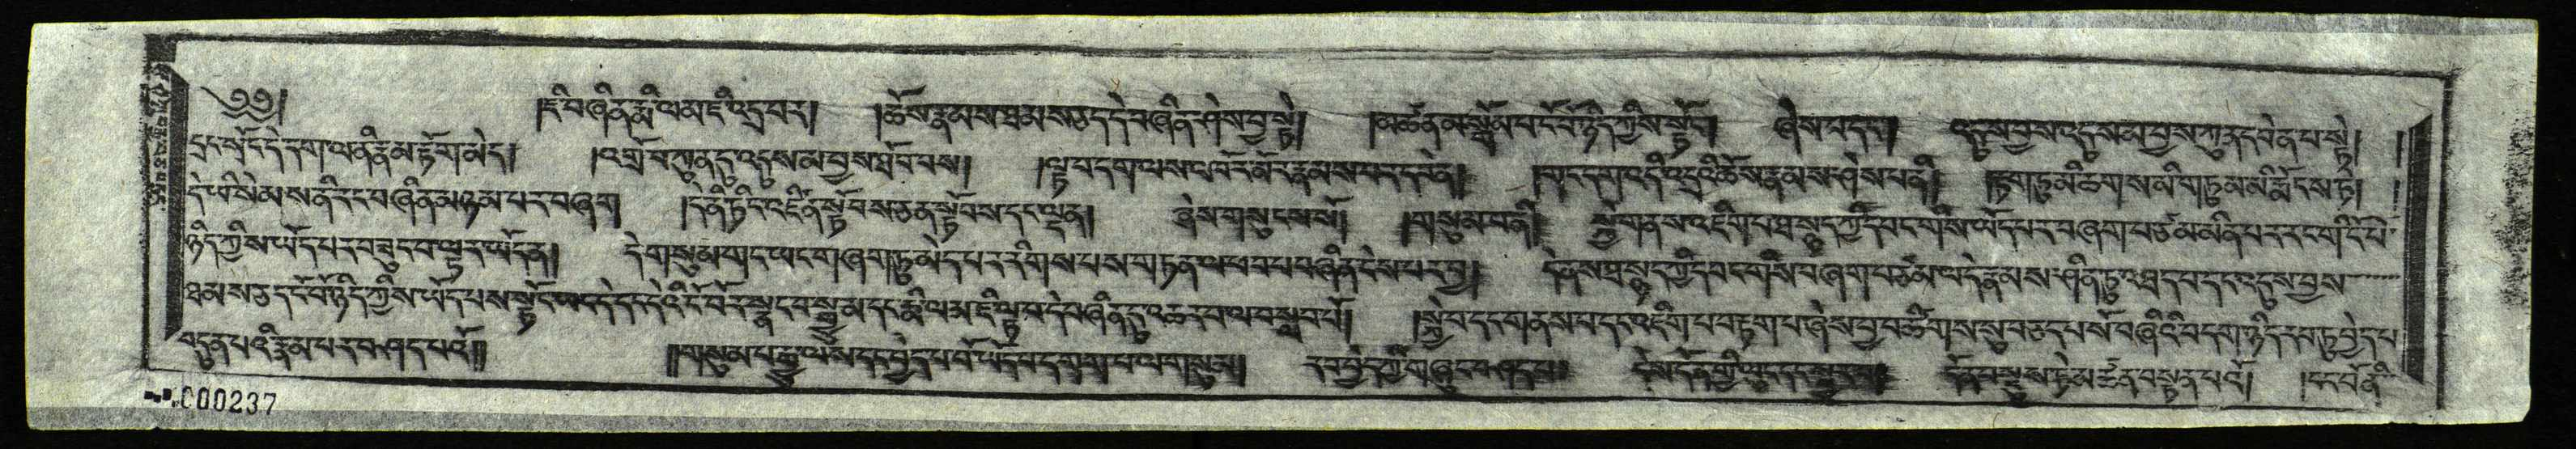༄༅། །ཇི་བཞིན་རྨི་ལམ་ཇི་འདྲ་བར། །ཆོས་རྣམས་ཐམས་ཅད་དེ་བཞིན་ཤེས་བྱ་སྟེ། །མཚན་མ་སྒོམ་པ་ངོ་བོ་ཉིད་ཀྱིས་སྟོང་། ཞེས་པ་དང་། འདུས་བྱས་འདུས་མ་བྱས་ཀུན་དབེན་པ་སྟེ། །
དྲང་སྲོང་དེ་དག་ལ་ནི་རྣམ་རྟོག་མེད། །འགྲོ་བ་ཀུན་དུ་འདུས་མ་བྱས་ཐོབ་པས། །ལྟ་བ་དག་ལས་འཁོར་མོར་རྣམས་པར་དབེན། །གང་དག་འདི་འདྲའི་ཆོས་རྣམས་ཤེས་པ་ནི། །རྟག་ཏུ་མི་ཆགས་མི་གཏུམ་མི་རྨོངས་ཏེ། །
དེ་ཡི་སེམས་ནི་རང་བཞིན་མཉམ་པར་བཞག །དེ་ནི་ཏིང་འཛིན་སྟོབས་ཅན་སྟོབས་དང་ལྡན། ཞེས་གསུངས་སོ། །གསུམ་པ་ནི། སྐྱེ་གནས་འཇིག་པ་ཐ་སྙད་ཀྱི་དབང་གིས་ཡོད་པར་བཞག་པ་ཙམ་མིན་པར་རང་གི་ངོ་བོ་
ཉིད་ཀྱིས་ཡོད་པར་བཟུང་བ་ལྟར་ཡོད་ན། དེ་གསུམ་གང་ཡང་གཞག་ཏུ་མེད་པར་རིགས་པས་གཏན་ལ་ཕབ་པ་བཞིན་ངེས་པར་བྱ། དེ་ནས་ཐ་སྙད་ཀྱི་དབང་གིས་བཞག་པ་ཙམ་ལ་དེ་རྣམས་ཤིན་ཏུ་འཐད་པ་དང་འདུས་བྱས་
ཐམས་ཅད་ངོ་བོ་ཉིད་ཀྱིས་ཡོད་པས་སྟོང་ཡང་དེ་དང་དེའི་ངོ་བོར་སྣང་བ་སྒྱུ་མ་དང་རྨི་ལམ་ཇི་ལྟ་བ་དེ་བཞིན་དུ་འཆར་བ་ལ་བསླབ་པོ། །སྐྱེ་བ་དང་གནས་པ་དང་འཇིག་པ་བརྟག་པ་ཞེས་བྱ་བ་ཚིགས་སུ་བཅད་པ་སོ་བཞིའི་བདག་ཉིད་རབ་ཏུ་བྱེད་པ་
བདུན་པའི་རྣམ་པར་བཤད་པའོ།། །།གསུམ་པ་རྒྱུ་ལས་དང་བྱེད་པ་པོ་ཡོད་པ་དགག་པ་ལ་གསུམ། རབ་བྱེད་ཀྱི་གཞུང་བཤད་པ། ངེས་དོན་གྱི་ལུང་དང་སྦྱར་བ། དོན་བསྡུས་ཏེ་མཚན་བསྟན་པའོ། །དང་པོ་ནི་